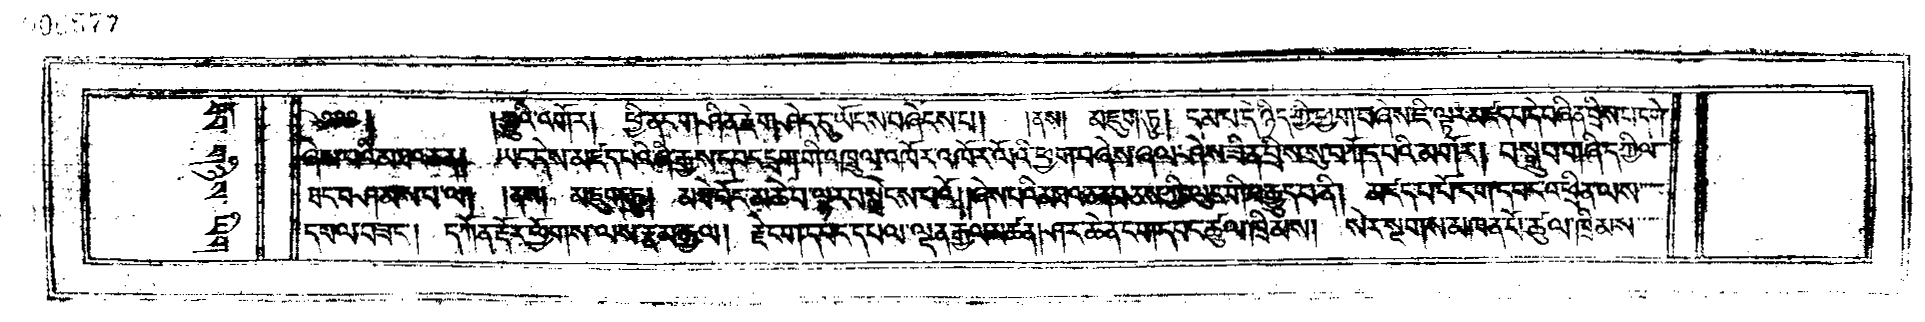༄༅། །ཀྱུའི་འགོར། ཕྱི་ནང་གཤིན་རྗེ་གཤེད་དུ་ཡོངས་བཞེངས་པ། །ནས།  མཇུག་ཏུ། དམ་པ་དེ་ཉིད་ཀྱི་ཕྱག་བ་ཞེས་ཇི་ལྟར་མཛད་པ་དེ་བཞིན་བྲིས་པ་དེ་
ཞེས་པའི་མཐའ་ཅན། ཡང་དེས་མཛད་པའི་ཞི་རྒྱས་དབང་དྲག་གི་འཁྲུལ་འཁོར་འཁོར་ལོའི་ཕྱག་བཞེས་ལ་ཞེས་ཟིན་བྲིས་སུ་བཀོད་པའི་མགོར། བསྒྲུབ་གཞི་དཀྱིལ་
ཐང་བཤམས་པ་ལ། །ནས།  མཇུག་ཏུ། མཐེ་བོང་མཆེ་བ་ལྟར་བསྒྲེངས་པའོ། །ཞེས་པའི་མཐའ་ཅན་བཅས་ཀྱི་ལུང་གི་བརྒྱུད་པ་ནི། མཛད་པ་པོ་ངག་དབང་འཕྲིན་ལས་
དཔལ་བཟང་། དཀོན་རྡོར་ཕྱོགས་ལས་རྣམ་རྒྱལ། རྗེ་ངག་དབང་དཔལ་ལྡན་རྒྱ་མཚན། ཤར་ཆེན་ངག་དབང་ཚུལ་ཁྲིམས། སེར་སྔགས་མཁན་པོ་ཚུལ་ཁྲིམས་